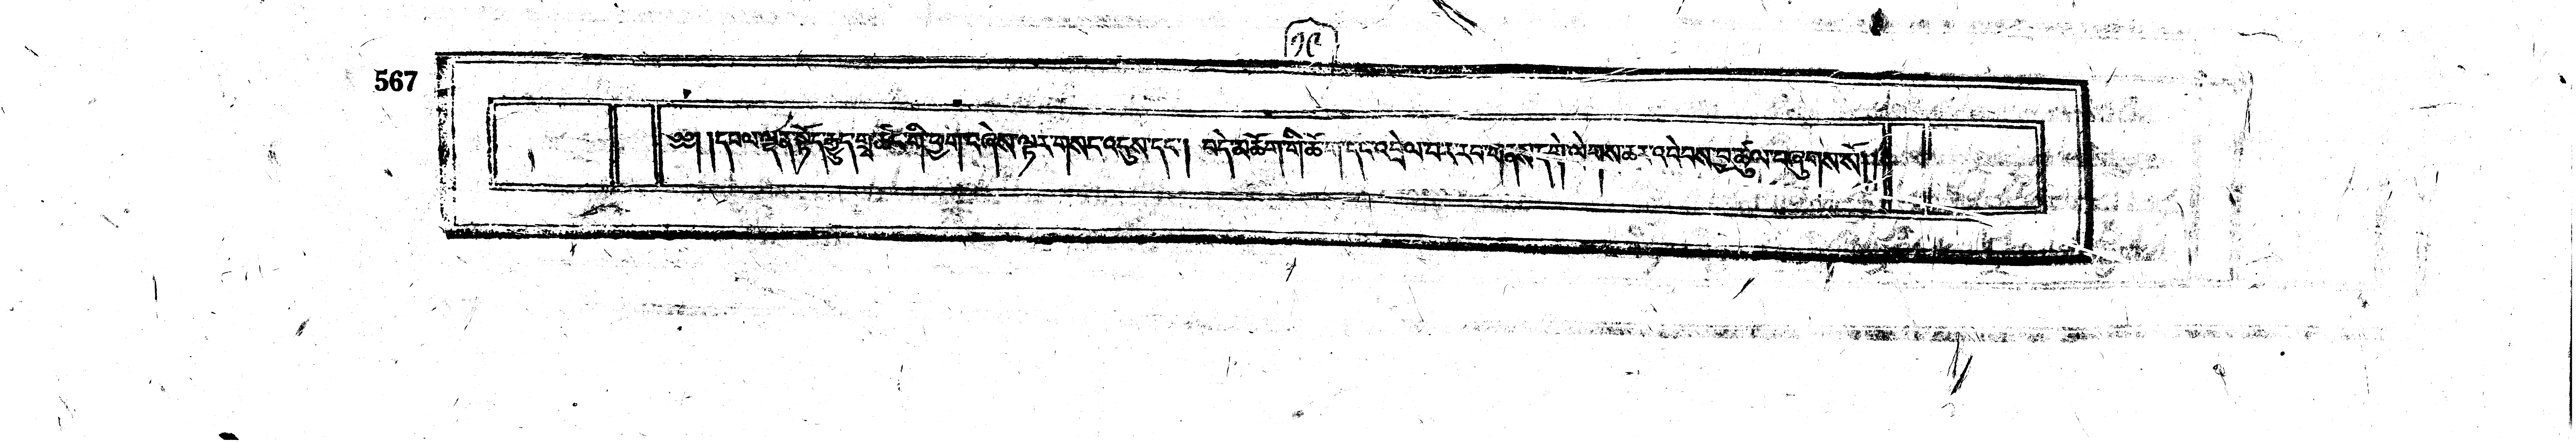།དཔལ་ལྡན་སྟོད་རྒྱུད་གྲྭ་ཚང་གི་ཕྱག་བཞེས་ལྟར་གསང་འདུས་དང་། བདེ་མཆོག་གི་ཆོ་ག་དང་འབྲེལ་བར་རབ་གནས་དགེ་ལེགས་ཆར་འབེབས་བྱ་ཚུལ་བཞུགས་སོ། །